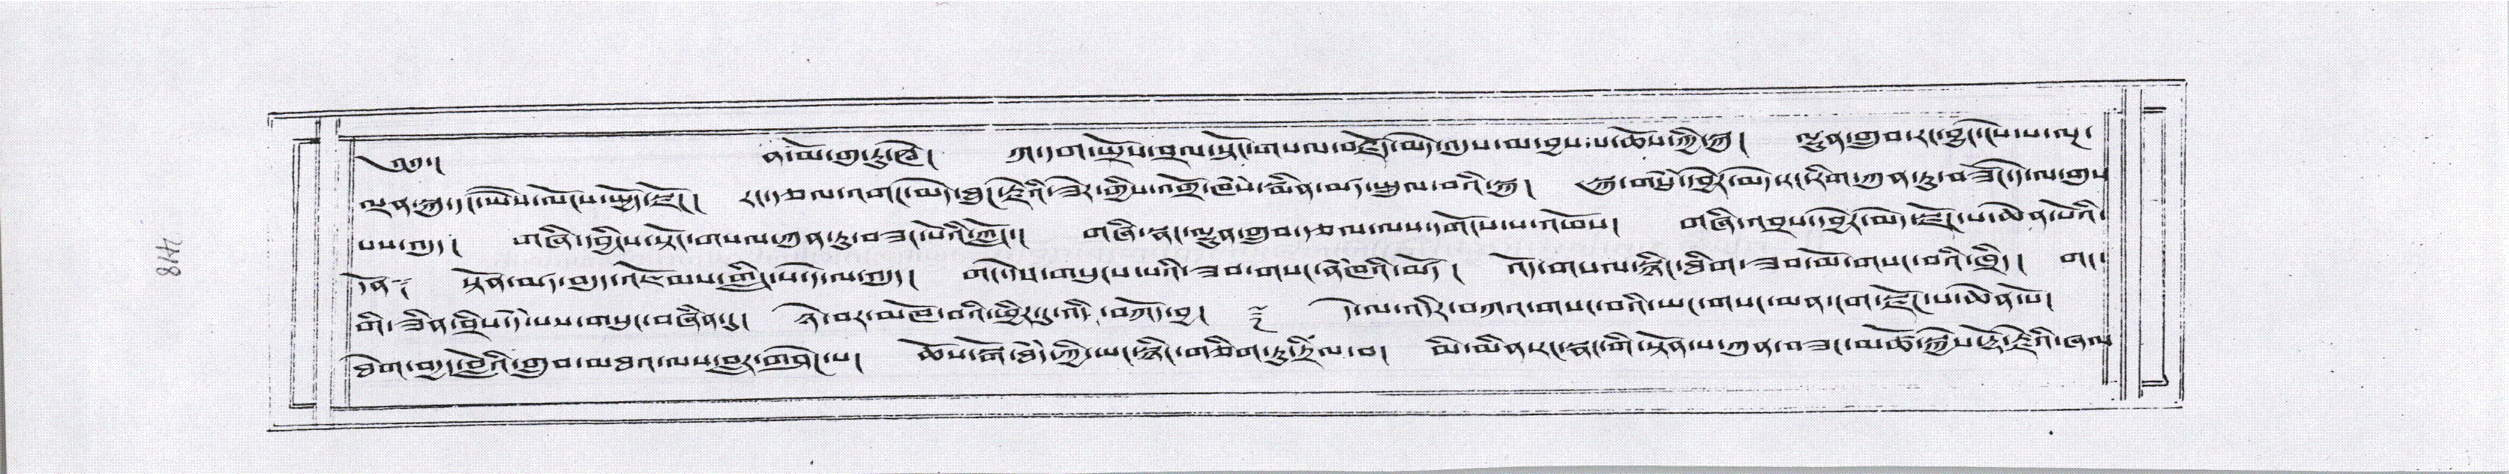༄༅།། ན་མོ་གུ་རུ་ཝེ། ཀ་དག་སྤྲོས་བྲལ་སྟོང་གསལ་བརྗོད་མེད་འདུས་མ་བྱས་པ་ཆོས་ཀྱི་སྐུ། ལྷུན་གྲུབ་རང་བྱུང་ངེས་པ་ལྔ་
ལྡན་སྐུ་དང་ཡེ་ཤེས་ལོངས་སྤྱོད་རྫོགས། རང་རྩལ་འགག་མེད་ཐུགས་རྗེའི་ཟེར་གྱིས་འགྲོ་ཁམས་སྨིན་མཛད་སྤྲུལ་པའི་སྐུ། སྐུ་གསུམ་དབྱེར་མེད་རང་རིག་ཀུན་ཏུ་བཟང་པོ་དེ་ལ་གུས་
པས་འདུད། གཞི་དབྱིངས་སྟོང་གསལ་ཀུན་ཏུ་བཟང་པོའི་ཀློང་། གཞི་སྣང་ལྷུན་གྲུབ་རྩལ་ལས་དགོངས་པ་འཕོས། གཞི་འབྲས་དབྱེར་མེད་རྫོགས་པ་ཆེན་པོའི་
དོན། སྟོན་མཛད་བདུད་འཇོམས་གླིང་པ་དེ་ལ་འདུད། གང་དེས་གསུངས་པའི་བཀའ་གསང་ནམ་མཁའི་མཛོད། འོད་གསལ་སྙིང་ཐིག་ཟབ་མོ་གསང་བའི་ཁྲིད། གང་
གི་ཟིན་བྲིས་དམ་པས་གསུངས་བཞིན་དུ། ཉེ་བར་མཁོ་བའི་ཕྱིར་དུ་འདིར་བཀོད་བྱ། །དེ་ལ་འདིར་བཀའ་གསང་བའི་ཡང་གསང་མན་ངག་རྫོགས་པ་ཆེན་པོ་
ཐེག་བརྒྱད་བློ་ཡི་གྲུབ་མཐའ་ལས་སླར་གཤེགས་པ། ཆོས་སྒོ་ཐམས་ཅད་ཀྱི་ཡང་སྙིང་གཅིག་ཏུ་དྲིལ་བ། མི་མིན་རང་སྣང་གི་སྟོན་པ་ཀུན་བཟང་འཚོ་སྐྱེས་རྡོ་རྗེའི་ཞལ་